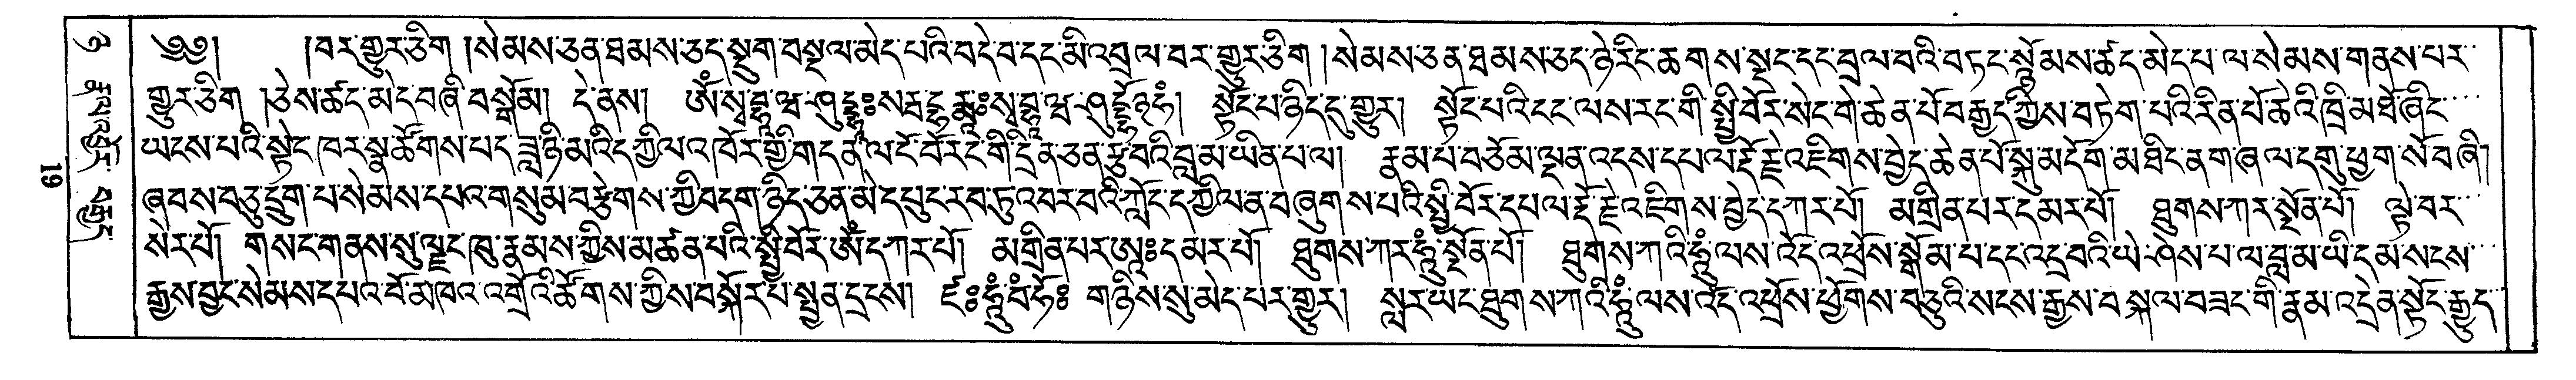༄༅། །བར་གྱུར་ཅིག །སེམས་ཅན་ཐམས་ཅད་སྡུག་བསྔལ་མེད་པའི་བདེ་བ་དང་མི་འབྲལ་བར་གྱུར་ཅིག །སེམས་ཅན་ཐམས་ཅད་ཉེ་རིང་ཆགས་སྡང་དང་བྲལ་བའི་བཏང་སྙོམས་ཚད་མེད་པ་ལ་སེམས་གནས་པར་
གྱུར་ཅིག །ཅེས་ཚད་མེད་བཞི་བསྒོམ། དེ་ནས། ཨོཾ་སྭ་བྷཱ་ཝ་ཤུདྡྷཱཿ སརྦ་དྷརྨཱཿ སྭ་བྷཱ་ཝ་ཤུདྡྷོཉྷཾ། སྟོང་པ་ཉིད་དུ་གྱུར། སྟོང་པའི་ངང་ལས་རང་གི་སྤྱི་བོར་སེང་གེ་ཆེན་པོ་བརྒྱད་ཀྱིས་བཏེག་པའི་རིན་པོ་ཆེའི་ཁྲི་མཐོ་ཞིང་
ཡངས་པའི་སྟེང་ཁར་སྣ་ཚོགས་པད་ཟླ་ཉི་མའི་དཀྱིལ་འཁྲོ་གྱི་གདན་ལ་ངོ་བོ་རང་གི་དྲིན་ཅན་རྩ་བའི་བླ་མ་ཡིན་པ་ལ། རྣམ་བ་བཅོམ་ལྡན་འདས་དཔལ་རྡོ་རྗེ་འཇིགས་བྱེད་ཆེན་པོ་སྐུ་མདོག་མཐིང་ནག་ཞལ་དགུ་ཕྱག་སོ་བཞི།
ཞབས་བཅུ་དྲུག་པ་སེམས་དཔའ་གསུམ་བརྩེགས་ཀྱི་བདག་ཉིད་ཅན་མེ་དཔུང་རབ་ཏུ་འབར་བའི་ཀློང་དཀྱིལ་ན་བཞུགས་པའི་སྤྱི་བོར་དཔལ་རྡོ་རྗེ་འཇིགས་བྱེད་དཀར་པོ། མགྲིན་པར་དམར་བོ། ཐུགས་ཀར་སྔོན་པོ། ལྟེ་གར་
སེར་པོ། གསང་གནས་སུ་ལྗང་ཁུ་རྣམས་ཀྱིས་མཚན་པའི་སྤྱི་བོར་ཨོཾ་དཀར་པོ། མགྲིན་པར་ཨཱཿ དམར་པོ། ཐུགས་ཀར་ཧཱུཾ་སྔོན་པོ། ཐུགས་ཀའི་ཧཱུཾ་ལས་འོད་འཕྲོས་སྒོམ་པ་དང་འདྲ་བའི་ཡེ་ཤེས་པ་ལ་བླ་མ་ཡི་དམ་སངས་
རྒྱས་བྱང་སེམས་དཔའ་བོ་མཁའ་འགྲོའི་ཚོགས་ཀྱིས་བསྐོར་བ་སྤྱན་དྲངས། ཛཿ ཧཱུཾ་བཾ་ཧོཿ གཉིས་སུ་མེད་པར་གྱུར། སླར་ཡང་ཐུགས་ཀའི་ཧཱུཾ་ལས་འོད་འཕྲོས་ཕྱོགས་བཅུའི་སངས་རྒྱས་བསྐལ་བཟང་གི་རྣམ་འདྲེན་སྟོང་རྒྱུད་